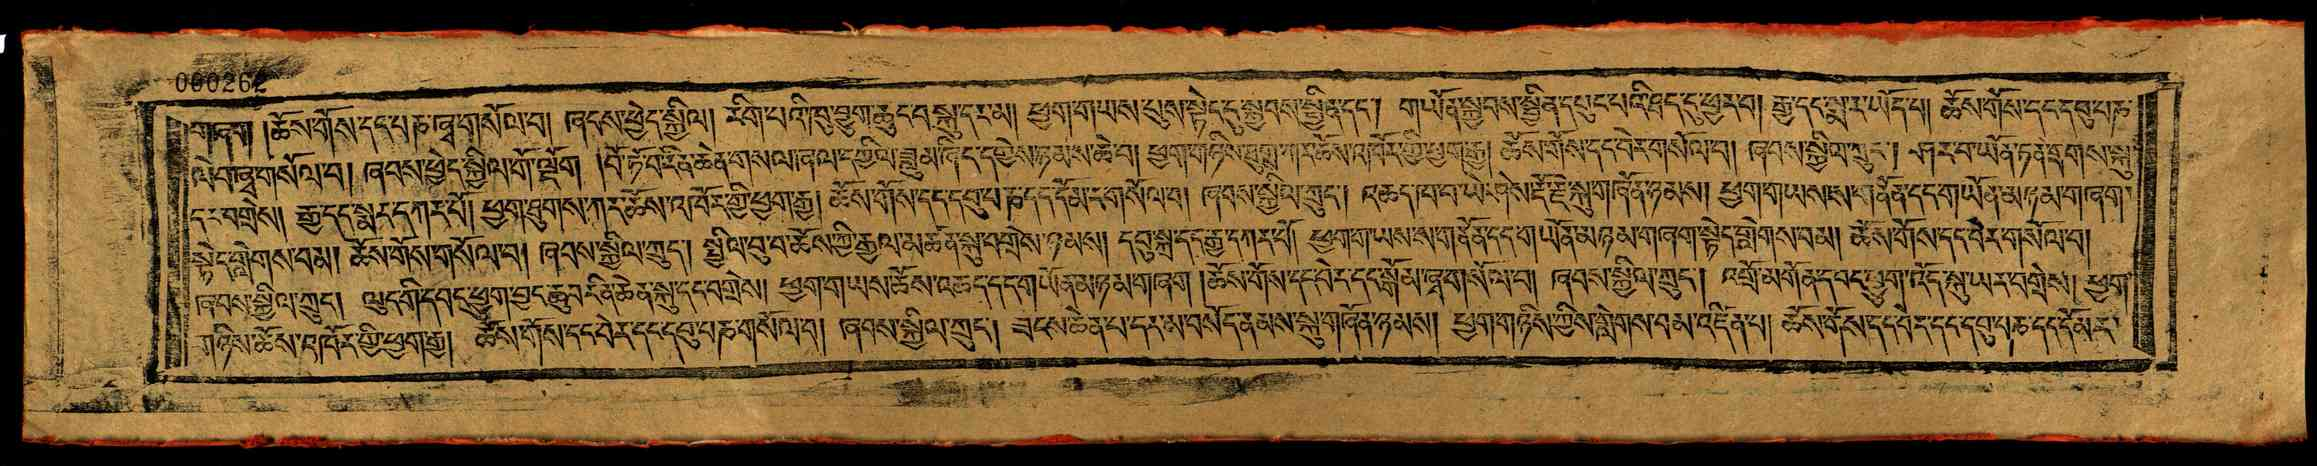གཞག །ཆོས་གོས་དང་པཎ་ཞྭ་གསོལ་བ། ཞབས་ཕྱེད་སྐྱིལ། རིག་པའི་ཁུ་བྱུག་ཆུང་བ་སྐུ་དར་མ། ཕྱག་གཡས་པུས་སྟེང་དུ་སྐྱབས་སྦྱིན་དང་། གཡོན་སྐྱབས་སྦྱིན་དཔུང་པའི་ཐད་དུ་ཕྱར་བ། རྒྱ་དང་སྨྲ་ར་ཡོད་པ། ཆོས་གོས་དང་དབུ་པཎ་
ལེབ་ཞྭ་གསོལ་བ་ཞབས་ཕྱེད་སྐྱིལ་གོ་ལྡོག །པོ་ཏོ་བ་རིན་ཆེན་གསལ་ཞལ་དཀྱིལ་ཟླུམ་ཞིང་དགྱེས་ཉམས་ཆེ་བ། ཕྱག་གཉིས་ཐུགས་ཀར་ཆོས་འཁོར་གྱི་ཕྱག་རྒྱ། ཆོས་གོས་དང་བེར་གསོལ་བ། ཞབས་སྐྱིལ་ཀྲུང་། ཤར་བ་ཡོན་ཏན་གྲགས་སྐུ་
དར་བགྲེས། རྒྱུ་དང་སྨ་ར་དཀར་པོ། ཕྱག་ཐུགས་ཀར་ཆོས་འཁོར་གྱི་ཕྱག་རྒྱ། ཆོས་གོས་དང་དབུ་པཎ་དང་དོ་མར་གསོལ་བ། ཞབས་སྐྱིལ་ཀྲུང་། འཆད་ཁ་བ་ཡེ་ཤེས་རྡོ་རྗེ་སྐུ་གཞོན་ཉམས། ཕྱག་གཡས་ས་གནོན་དང་གཡོན་མཉམ་གཞག་
སྟེང་གླེགས་བམ། ཆོས་གོས་གསོལ་བ། ཞབས་སྐྱིལ་ཀྲུང་། སྤྱིལ་བུ་བ་ཆོས་ཀྱི་རྒྱལ་མཚན་སྐུ་བགྲེས་ཉམས། དབུ་སྐྲ་དང་རྒྱ་དཀར་པོ། ཕྱག་གཡས་ས་གནོན་དང་གཡོན་མཉམ་གཞག་སྟེང་གླེགས་བམ། ཆོས་གོས་དང་བར་གསོལ་བ་
ཞབས་སྐྱིལ་ཀྲུང་། ལུང་གི་དབང་ཕྱུག་བྱང་ཆུབ་རིན་ཆེན་སྐུ་དང་བགྲེས། ཕྱག་གཡས་ཆོས་འཆད་དང་གཡོན་མཉམ་གཞག །ཆོས་གོས་དང་བེར་དང་སྒོམ་ཞྭ་གསོལ་བ། ཞབས་སྐྱིལ་ཀྲུང་། འགྲོ་མགོན་དབང་ཕྱུག་འོད་སྐུ་ཡར་བགྲེས། ཕྱག་
གཉིས་ཆོས་འཁོར་གྱི་ཕྱག་རྒྱ། ཆོས་གོས་དང་བེར་དང་དབུ་པཎ་གསོལ་བ། ཞབས་སྐྱིལ་ཀྲུང་། ཟངས་ཆེན་པ་དར་མ་བསོད་ནམས་སྐུ་གཞོན་ཉམས། ཕྱག་གཉིས་ཀྱིས་གླེགས་བམ་འཛིན་པ། ཆོས་གོས་དང་བར་དང་དབུ་པཎ་དང་